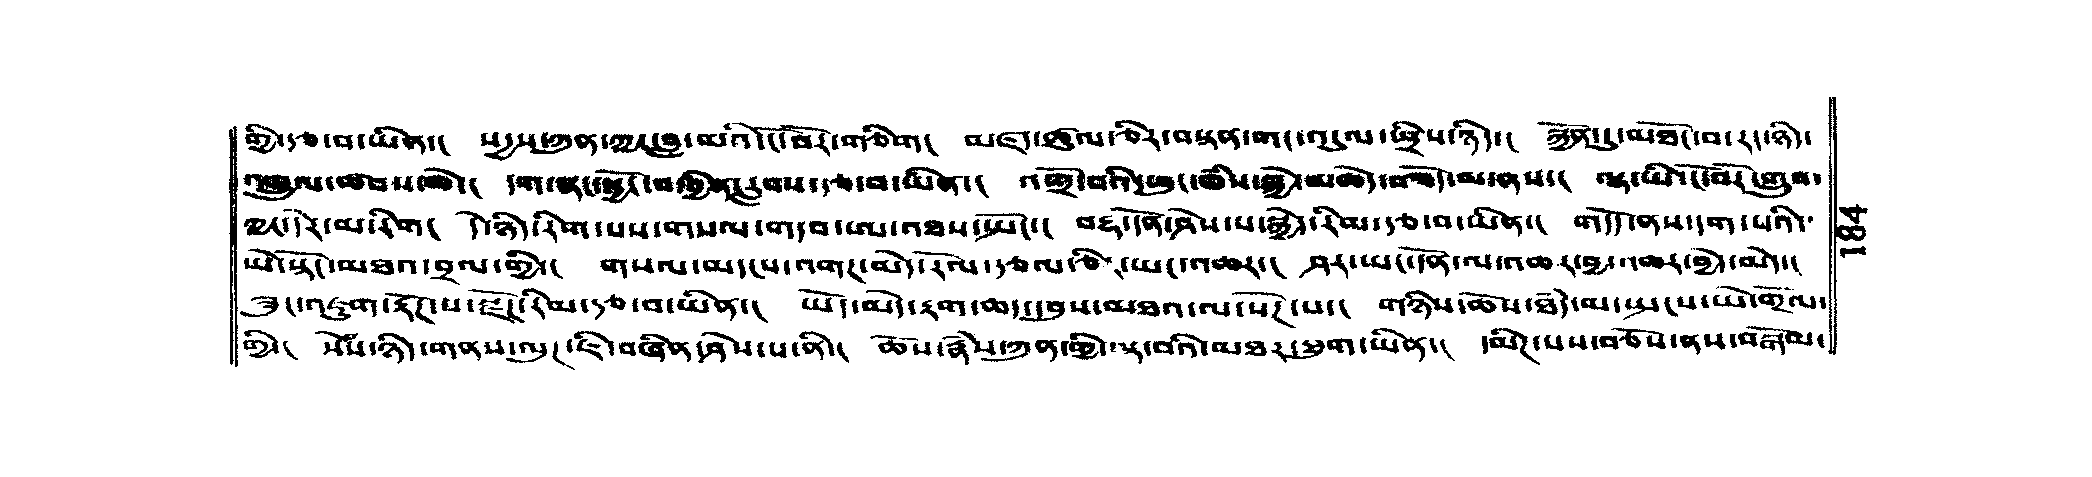གྱི་རྩ་བ་ཡིན། །སངས་རྒྱས་ཀུན་ཀྱང་བླ་མའི་ངོ་བོར་གཅིག །མཛད་ཚུལ་ཅིར་བསྟན་གང་འདུལ་ཕྲིན་ལས་ཉིད། །སྐྱོན་དུ་མཐོང་བ་རང་ཉིད་
འཕྲུལ་ཚབས་ཆེ། །དག་སྣང་སྐྱོང་བ་བྱིན་རླབས་རྩ་བ་ཡིན། །འགྲོ་བའི་ཕུང་ཁམས་སྐྱེ་མཆེད་གཟོད་མ་ནས། །ལྷ་ཡི་ངོ་བོར་གྲུབ་
ཀྱང་དེར་མ་རིག །དེ་ཉིད་རིག་པས་གསལ་གདབ་ཨ་འཐས་སྤོངས། བརྡ་དོན་ཤེས་པ་བསྐྱེད་རིམ་རྩ་བ་ཡིན། །གདོད་ནས་དག་པའི་
ཡེ་སྟོང་མཐའ་བྲལ་གྱི། །གསལ་མདངས་འགགས་མེད་རོལ་རྩལ་ཅིར་ཡང་འཆར། །ཤར་ཡང་དོན་ལ་འཆར་བྱ་འཆར་བྱེད་མེད། །
ཟུང་འཇུག་རྟོགས་པ་རྫོགས་རིམ་རྩ་བ་ཡིན། །ཡོད་མེད་རྟག་ཆད་དབུས་མཐའ་ལ་སོགས་པ། །གཉིས་ཆོས་ཐམས་ཅད་མ་སྤངས་ཡེ་གྲོལ་
གྱི། །སེམས་ཉིད་གནས་ལུགས་ཇི་བཞིན་ཤེས་པ་ནི། །ཆོས་རྣམས་ཀུན་གྱི་ལྟ་བའི་མཐར་ཐུག་ཡིན། དམིགས་པས་བཅོས་ནས་བསྒོམ་